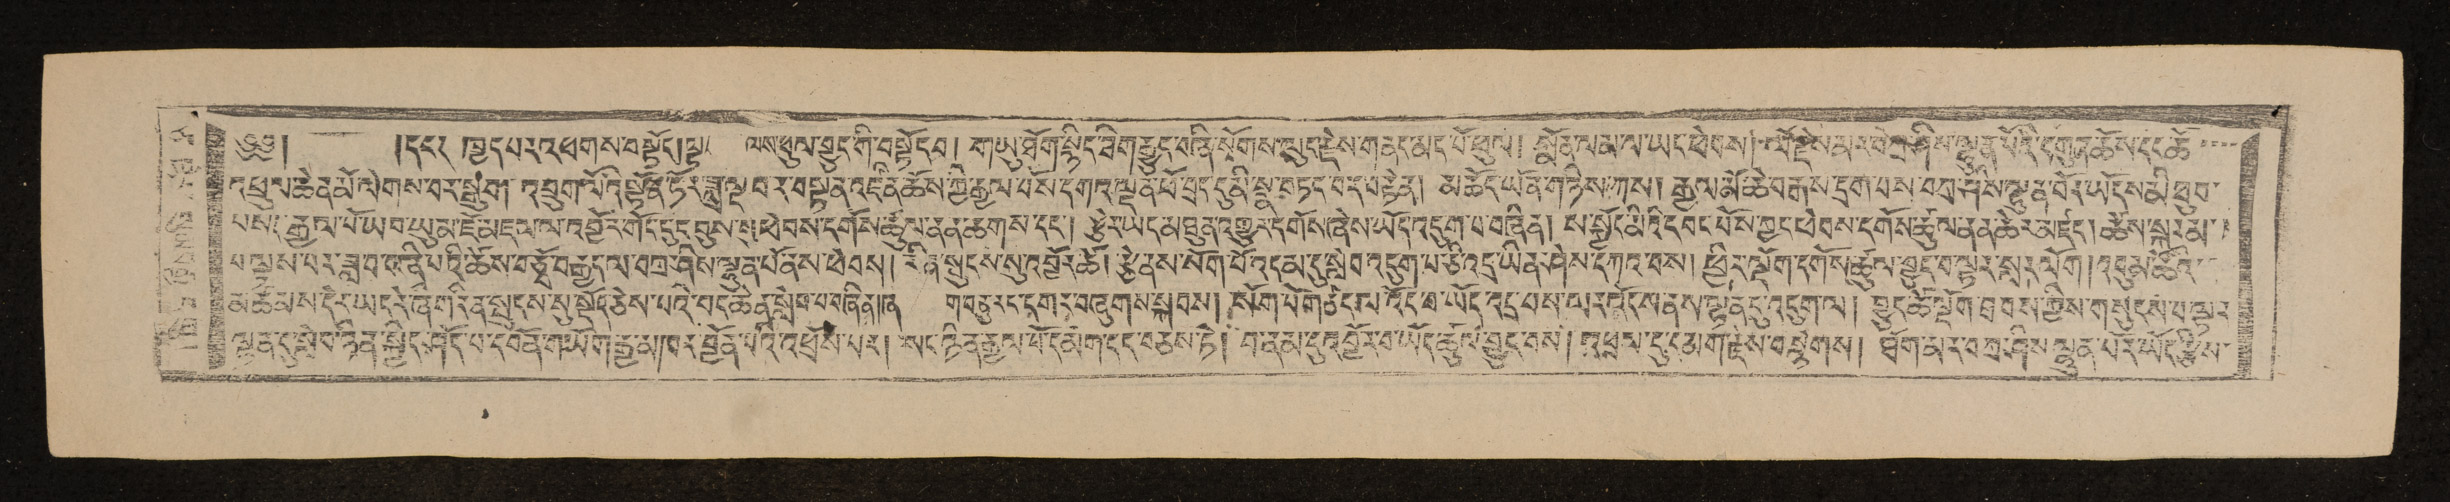༄༅། །དང༑ ཁྱད་པར་འཕགས་བསྟོད། ལྷ་ལས་ཕུལ་བྱུང་གི་བསྟོད་པ། གཡུ་ཐོག་སྙིང་ཐིག་རྒྱུད་བཞི་སོགས་ལུང་རྗེས་གནང་མང་པོ་ཕུལ། སྨོན་ལམ་ལ་ཡང་ཕེབས། ལོ་རྗེས་མར་བཀྲ་ཤིས་ལྷུན་པོའི་དགུན་ཆོས་དང་ཆོ་
འཕྲུལ་ཆེན་མོ་ལེགས་པར་སྒྲུབ། འབྲུག་ལོའི་སྟོན་ཧོར་ཟླ་ལྔ་པར་བསྟན་འཛིན་ཆོས་ཀྱི་རྒྱལ་པོས་དགའ་ལྡན་ཕོ་བྲང་དུ་མི་སྣ་བཏང་བར་བརྟེན། མཆོད་ཡོན་གཉིས་ཀས། རྒྱལ་མོ་ཆེ་བ་རྒས་དྲག་པས་བཀྲ་ཤིས་ལྷུན་པོར་ཡོངས་མི་ཐུབ་
པས༑ རྒྱལ་པོ་ཡབ་ཡུམ་ཇོ་མཇལ་ལ་འབྱོར་གོང་དུ་དབུས་སུ་ཕེབས་དགོས་ཚུལ་ནན་ཆགས་དང་། རྩེར་ཡང་མཐུན་འགྱུར་དགོས་ཞེས་ཡོད་འདུག་པ་བཞིན། ས་སྐྱོང་མིའི་དབང་པོས་ཀྱང་ཕེབས་དགོས་ཚུལ་ནན་ཆེར་མཛད། ཚེས་སྐར་མ་
བལྟས་པར་ཟླ་བ་བཞི་པའི་ཚེས་བཅྭོ་བརྒྱད་ལ་བཀྲ་ཤིས་ལྷུན་པོ་ནས་ཕེབས། རིན་སྤུངས་སུ་འབྱོར་ཚེ། རྩེ་ནས་སོག་པོ་འདམ་དུ་སླེབ་འདུག་པ་ཅི་འདྲ་ཡིན་ཤེས་དཀའ་བས། ཕྱིར་ལྡོག་དགོས་ཚུལ་བྱུང་བ་ལྟར་སླར་ལོག །འབུམ་ཚོའི་
མཚམས་དེར་ཡང་རེ་ཞིག་རིན་སྤུངས་སུ་སྡོད་ཅེས་པའི་བད་ཆེན་སླེབ་པ་བཞིན། ཞག་བཅུ་རང་དགར་བཞུགས་སྐབས། སོག་པོ་གཙང་ལ་འོང་བ་ཡོད་འདྲ་བས་ཡར་འོངས་ནས་ལྷན་དུ་འདུག་ལ། བྱུང་ཚེ་ལྡོག་ཐབས་ཀྱིས་གསུངས་པ་ལྟར།
ལྷན་དུ་སླེབ་ཉིན་སྐྱིད་ཤོད་པ་དཔོན་གཡོག་རྒྱ་མཁར་བྱོན་པའི་འཕྲོས་པར། སང་ཉིན་རྒྱལ་པོ་དམག་དང་བཅས་ཏེ། པ་ནམ་དུ་འབྱོར་བ་ཡོད་ཚུལ་བྱུང་བས། འཕྲལ་དུ་དམ་ག་རྗེས་བསྙེགས། ཐོག་མར་བཀྲ་ཤིས་ལྷུན་པོར་ཡོང་རྩིས་